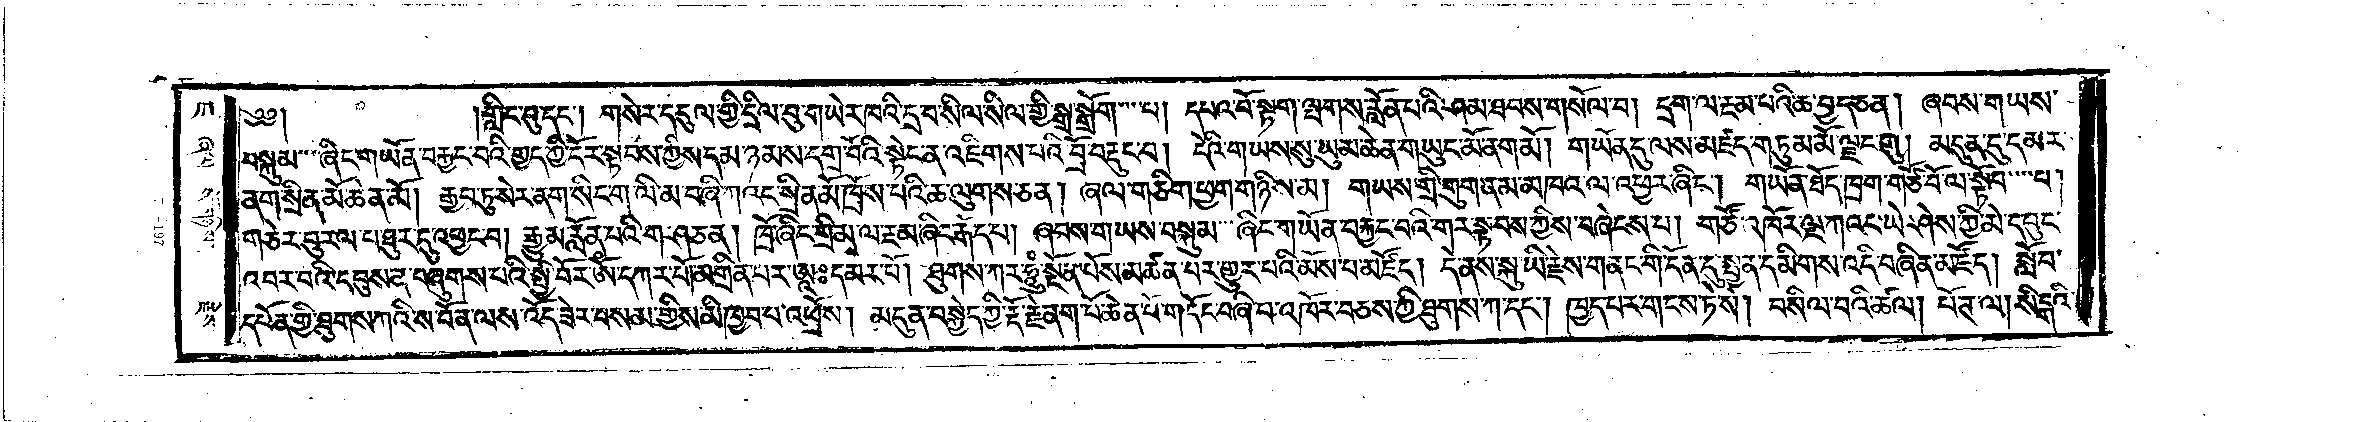༄༅། །གླིང་བུ་དང་། གསེར་དངུལ་གྱི་དྲིལ་བུ་གཡེར་ཁའི་དྲ་བ་སིལ་སིལ་གྱི་སྒྲ་སྒྲོག་པ། དཔའ་བོ་སྟག་ལྤགས་རློན་པའི་ཤམ་ཐབས་གསོལ་བ། དྲག་ལ་རྔམ་པའི་ཆ་བྱད་ཅན། ཞབས་གཡས་
བསྐུམ་ཞིང་གཡོན་བརྐྱང་བའི་གྱད་ཀྱི་དོར་སྟབས་ཀྱིས་དམ་ཉམས་དགྲ་བོའི་སྟེང་ན་འཇིགས་པའི་བྲོ་བརྡུང་བ། དེའི་གཡས་སུ་ཡུམ་ཆེན་གཡུང་མོ་ནག་མོ། གཡོན་དུ་ལས་མཛད་གཏུམ་མོ་ལྗང་གུ། མདུན་དུ་དམར་
ནག་སྲིན་མོ་ཆེན་མོ། རྒྱབ་ཏུ་སེར་ནག་སིང་ག་ལི་མ་བཞི་ཀའང་སྲིན་མོ་ཁྲོས་པའི་ཆ་ལུགས་ཅན། ཞལ་གཅིག་ཕྱག་གཉིས་མ། གཡས་གྲི་གུག་ནམ་མཁའ་ལ་འཕྱར་ཞིང་། གཡོན་ཐོད་ཁྲག་གཙོ་བོ་ལ་སྟོབ་པ།
གཅེར་བུ་རལ་པ་ཐུར་དུ་འཕྱང་བ། རྒྱུ་མ་རློན་པའི་ག་ཤ་ཅན། ཁྲོ་ཞིང་གྲིམས་ལ་རྔམ་ཞིང་རྒོད་པ། ཞབས་གཡས་བསྐུམ་ཞིང་གཡོན་བརྐྱང་བའི་གར་སྟབས་ཀྱིས་བཞེངས་པ། གཙོ་འཁོར་ལྔ་ཀའང་ཡེ་ཤེས་ཀྱི་མེ་དཔུང་
འབར་པའི་དབུས་ན་བཞུགས་པའི་སྤྱི་བོར་ཨོཾ་དཀར་པོ། མགྲིན་པར་ཨཱཿདམར་པོ། ཐུགས་ཀར་ཧཱུཾ་སྔོན་པོས་མཚན་པར་གྱུར་པའི་མོས་པ་མཛོད། དེ་ནས་སྐུ་ཡི་རྗེས་གནང་གི་དོན་དུ་སྤྱན་དམིགས་འདི་བཞིན་མཛོད། སློབ་
དཔོན་གྱི་ཐུགས་ཀའི་ས་བོན་ལས་འོད་ཟེར་བསམ་གྱིས་མི་ཁྱབ་པ་འཕྲོས། མདུན་བསྐྱེད་ཀྱི་རྡོ་རྗེ་ནག་པོ་ཆེན་པོ་གདོང་བཞི་པ་འཁོར་བཅས་ཀྱི་ཐུགས་ཀ་དང་། ཁྱད་པར་གངས་ཏེ་སེ། བསིལ་བའི་ཚལ། པོ་ཊ་ལ། སིངྒའི་